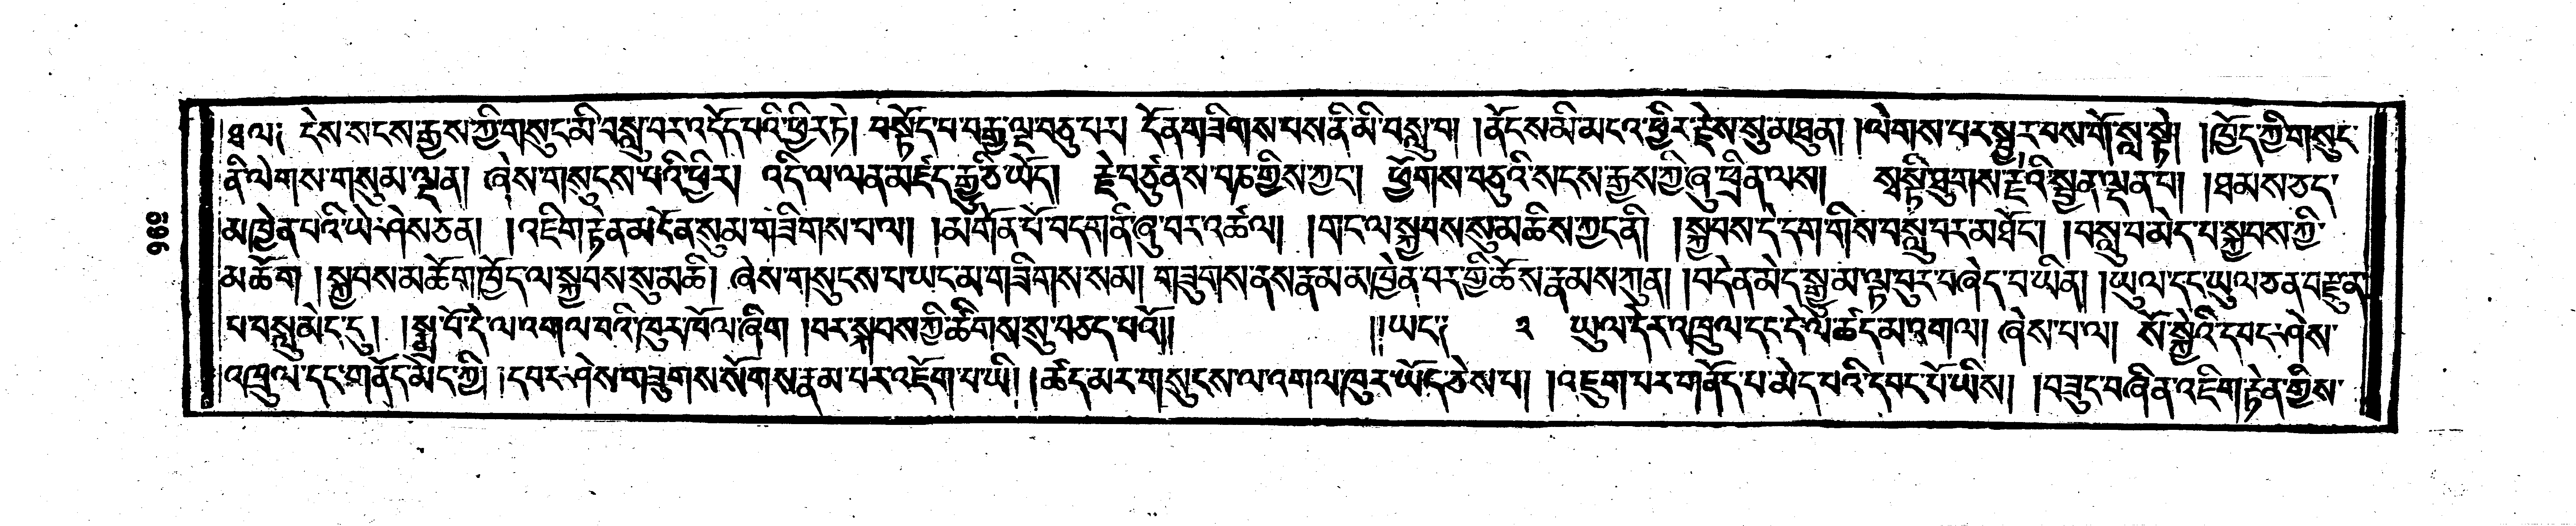ཐལ༑ དེས་སངས་རྒྱས་ཀྱི་གསུང་མི་བསླུ་བར་འདོད་པའི་ཕྱིར་ཏེ། བསྟོད་པ་བརྒྱ་ལྔ་བཅུ་པར། དོན་གཟིགས་པས་ནི་མི་བསླུ་བ། །ནོངས་མི་མངའ་ཕྱིར་རྗེས་སུ་མཐུན། །ལེགས་པར་སྦྱར་བས་གོ་སླ་སྟེ། །ཁྱོད་ཀྱི་གསུང་
ནི་ལེགས་གསུམ་ལྡན། ཞེས་གསུངས་པའི་ཕྱིར། འདི་ལ་ལན་མཛད་རྒྱུ་ཅི་ཡོད། རྗེ་བཙུན་ས་པཎ་གྱིས་ཀྱང་། ཕྱོགས་བཅུའི་སངས་རྒྱས་ཀྱི་ཞུ་ཕྲིན་ལས། སྭསྟི་ཐུགས་རྗེའི་སྤྱན་ལྡན་པ། །ཐམས་ཅད་
མཁྱེན་པའི་ཡེ་ཤེས་ཅན། །འཇིག་རྟེན་མངོན་སུམ་གཟིགས་པ་ལ། །མགོན་པོ་བདག་ནི་ཞུ་བར་འཚལ། །གང་ལ་སྐྱབས་སུ་མཆིས་ཀྱང་ནི། །སྐྱབས་དེ་དག་གིས་བསླུ་བར་མཐོང་། །བསླུ་བ་མེད་པ་སྐྱབས་ཀྱི་
མཆོག །སྐྱབས་མཆོག་ཁྱོད་ལ་སྐྱབས་སུ་མཆི། ཞེས་གསུངས་པ་ཡང་མ་གཟིགས་སམ། གཟུགས་ནས་རྣམ་མཁྱེན་བར་གྱི་ཆོས་རྣམས་ཀུན། །བདེན་མེད་སྒྱུ་མ་ལྟ་བུར་བཞེད་པ་ཡིན། །ཡུལ་དང་ཡུལ་ཅན་བརྫུན་
པ་བསླུ་མེད་དུ། །སྨྲ་པོ་དེ་ལ་འགལ་བའི་ཁུར་ཁོལ་ཞིག །བར་སྐབས་ཀྱི་ཚིགས་སུ་བཅད་པའོ།། །།ཡང་། ༢་ཡུལ་དེར་འཁྲུལ་དང་དེ་ལ་ཚད་མ་འགལ། ཞེས་པ་ལ། སོ་སྐྱེའི་དབང་ཤེས་
འཁྲུལ་དང་གནོད་མེད་ཀྱི། །དབང་ཤེས་གཟུགས་སོགས་རྣམ་པར་འཇོག་པ་ཡི། །ཚད་མར་གསུངས་ལ་འགལ་ཁུར་ཡོད་ཅེས་པ། །འཇུག་པར་གནོད་པ་མེད་པའི་དབང་པོ་ཡིས། །བཟུང་བཞིན་འཇིག་རྟེན་གྱིས་